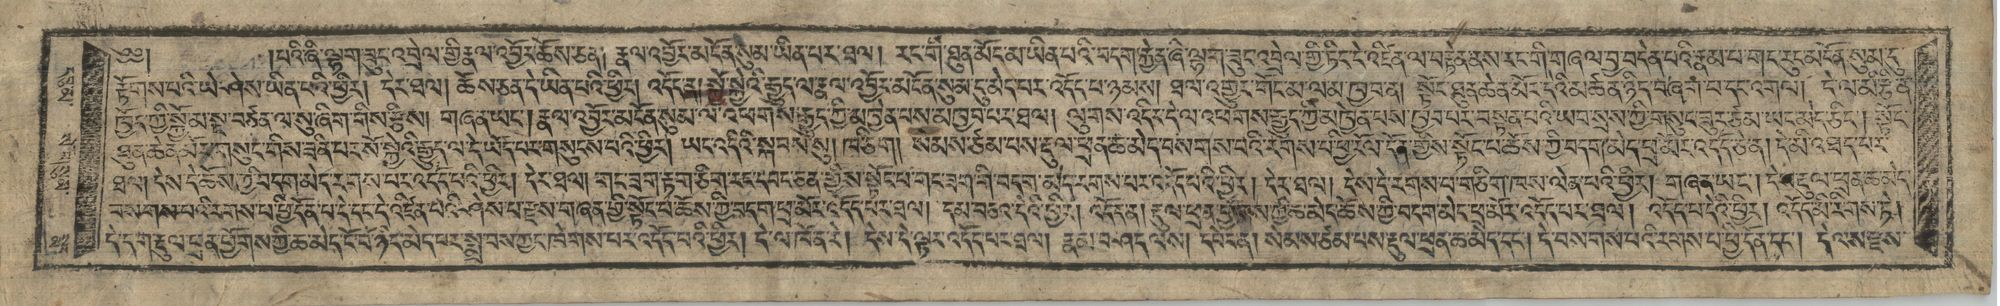༄༅། །པའི་ཞི་ལྷག་ཟུང་འབྲེལ་གྱི་རྣལ་འབྱོར་ཆོས་ཅན། རྣལ་འབྱོར་མངོན་སུམ་ཡིན་པར་ཐལ། རང་གི་ཐུན་མོང་མ་ཡིན་པའི་བདག་རྐྱེན་ཞི་ལྷག་ཟུང་འབྲེལ་གྱི་ཏིང་ངེ་འཛིན་ལ་བརྟེན་ནས་རང་གི་གཞལ་བྱ་བདེན་པའི་རྣམ་པ་གང་རུང་མངོན་སུམ་དུ་
རྟོགས་པའི་ཡེ་ཤེས་ཡིན་པའི་ཕྱིར། དེར་ཐལ། ཆོས་ཅན་དེ་ཡིན་པའི་ཕྱིར། འདོད་ན། སོ་སྐྱེའི་རྒྱུད་ལ་རྣལ་འབྱོར་མངོན་སུམ་དུ་མེད་པར་འདོད་པ་ཉམས། ཐལ་འགྱུར་གོང་མ་ལ་མ་ཁྱབ་ན། སྟོང་ཐུན་ཆེན་མོར་དེའི་མཚན་ཉིད་བཞག་པ་དང་འགལ། དེ་ལ་མི་རྩི་ན་
ཁྱོད་ཀྱི་སྐྱོ་མ་སྔ་?་བཙན་ལ་སུ་ཞིག་གིས་རྩིས། གཞན་ཡང་། རྣལ་འབྱོར་མངོན་སུམ་ལ་འཕགས་རྒྱུད་ཀྱི་མཁྱེན་པས་མ་ཁྱབ་པར་ཐལ། ལུགས་འདིར་དེ་ལ་འཕགས་རྒྱུད་ཀྱི་མཁྱེན་པས་ཁྱབ་པར་བསྟན་པའི་ཡབ་སྲས་ཀྱི་གསུང་ཟུར་ཙམ་ཡང་མེད་ཅིང་། སྟོང་
ཐུན་ཆེན་མོར་གསུང་གིས་ཟིན་པར་སོ་སྐྱེའི་རྒྱུད་ལ་དེ་ཡོད་པར་གསུངས་པའི་ཕྱིར། ཡང་འདིའི་སྐབས་སུ། ཁ་ཅིག ། སེམས་ཙམ་པས་རྡུལ་ཕྲན་ཆ་མེད་བསགས་པའི་རགས་པ་ཕྱི་རོལ་དོན་གྱིས་སྟོང་པ་ཆོས་ཀྱི་བདག་མེད་ཕྲ་མོར་འདོད་ཅེ་ན། དེ་མི་འཐད་པར་
ཐལ། དེས་དེ་ཆོས་ཀྱི་བདག་མེད་རགས་པར་འདོད་པའི་ཕྱིར། དེར་ཐལ། གང་ཟག་རྟག་ཅིག་རང་དབང་ཅན་གྱིས་སྟོང་པ་གང་ཟག་གི་བདག་མེད་རགས་པར་འདོད་པའི་ཕྱིར། དེར་ཐལ། དེས་དེ་རགས་པ་གཅིག་ཁས་ལེན་པའི་ཕྱིར། གཞན་ཡང་། དེས་རྡུལ་ཕྲན་ཆ་མེད་
བསགས་པའི་རགས་པ་ཕྱི་དོན་པ་དེ་དང་དེ་འཛིན་པའི་ཤེས་པ་རྫས་གཞན་གྱི་སྟོང་པ་ཆོས་ཀྱི་བདག་ཕྲ་མོར་འདོད་པར་ཐལ། དམ་བཅའ་དེའི་ཕྱིར། འདོད་ན། རྡུལ་ཕྲན་ཕྱོགས་ཀྱི་ཆ་མེད་ཆོས་ཀྱི་བདག་མེད་ཕྲ་མོར་འདོད་པར་ཐལ། འདོད་པ་དེའི་ཕྱིར། འདོད་མི་རིགས་ཏེ།
དེ་དག་རྡུལ་ཕྲན་ཕྱོགས་ཀྱི་ཆ་མེད་ངོ་བོ་ཉིད་མེད་པར་སྨྲ་བས་ཀྱང་ཁེགས་པར་འདོད་པའི་ཕྱིར། དེ་ལ་ཁོ་ན་རེ། དེས་དེ་ལྟར་འདོད་པར་ཐལ། རྣམ་བཤད་ལས། དཔེར་ན། སེམས་ཙམ་པས་རྡུལ་ཕྲན་ཆ་མེད་དང་། དེ་བསགས་པའི་རགས་པ་ཕྱི་དོན་དང་། དེ་ལས་རྫས་